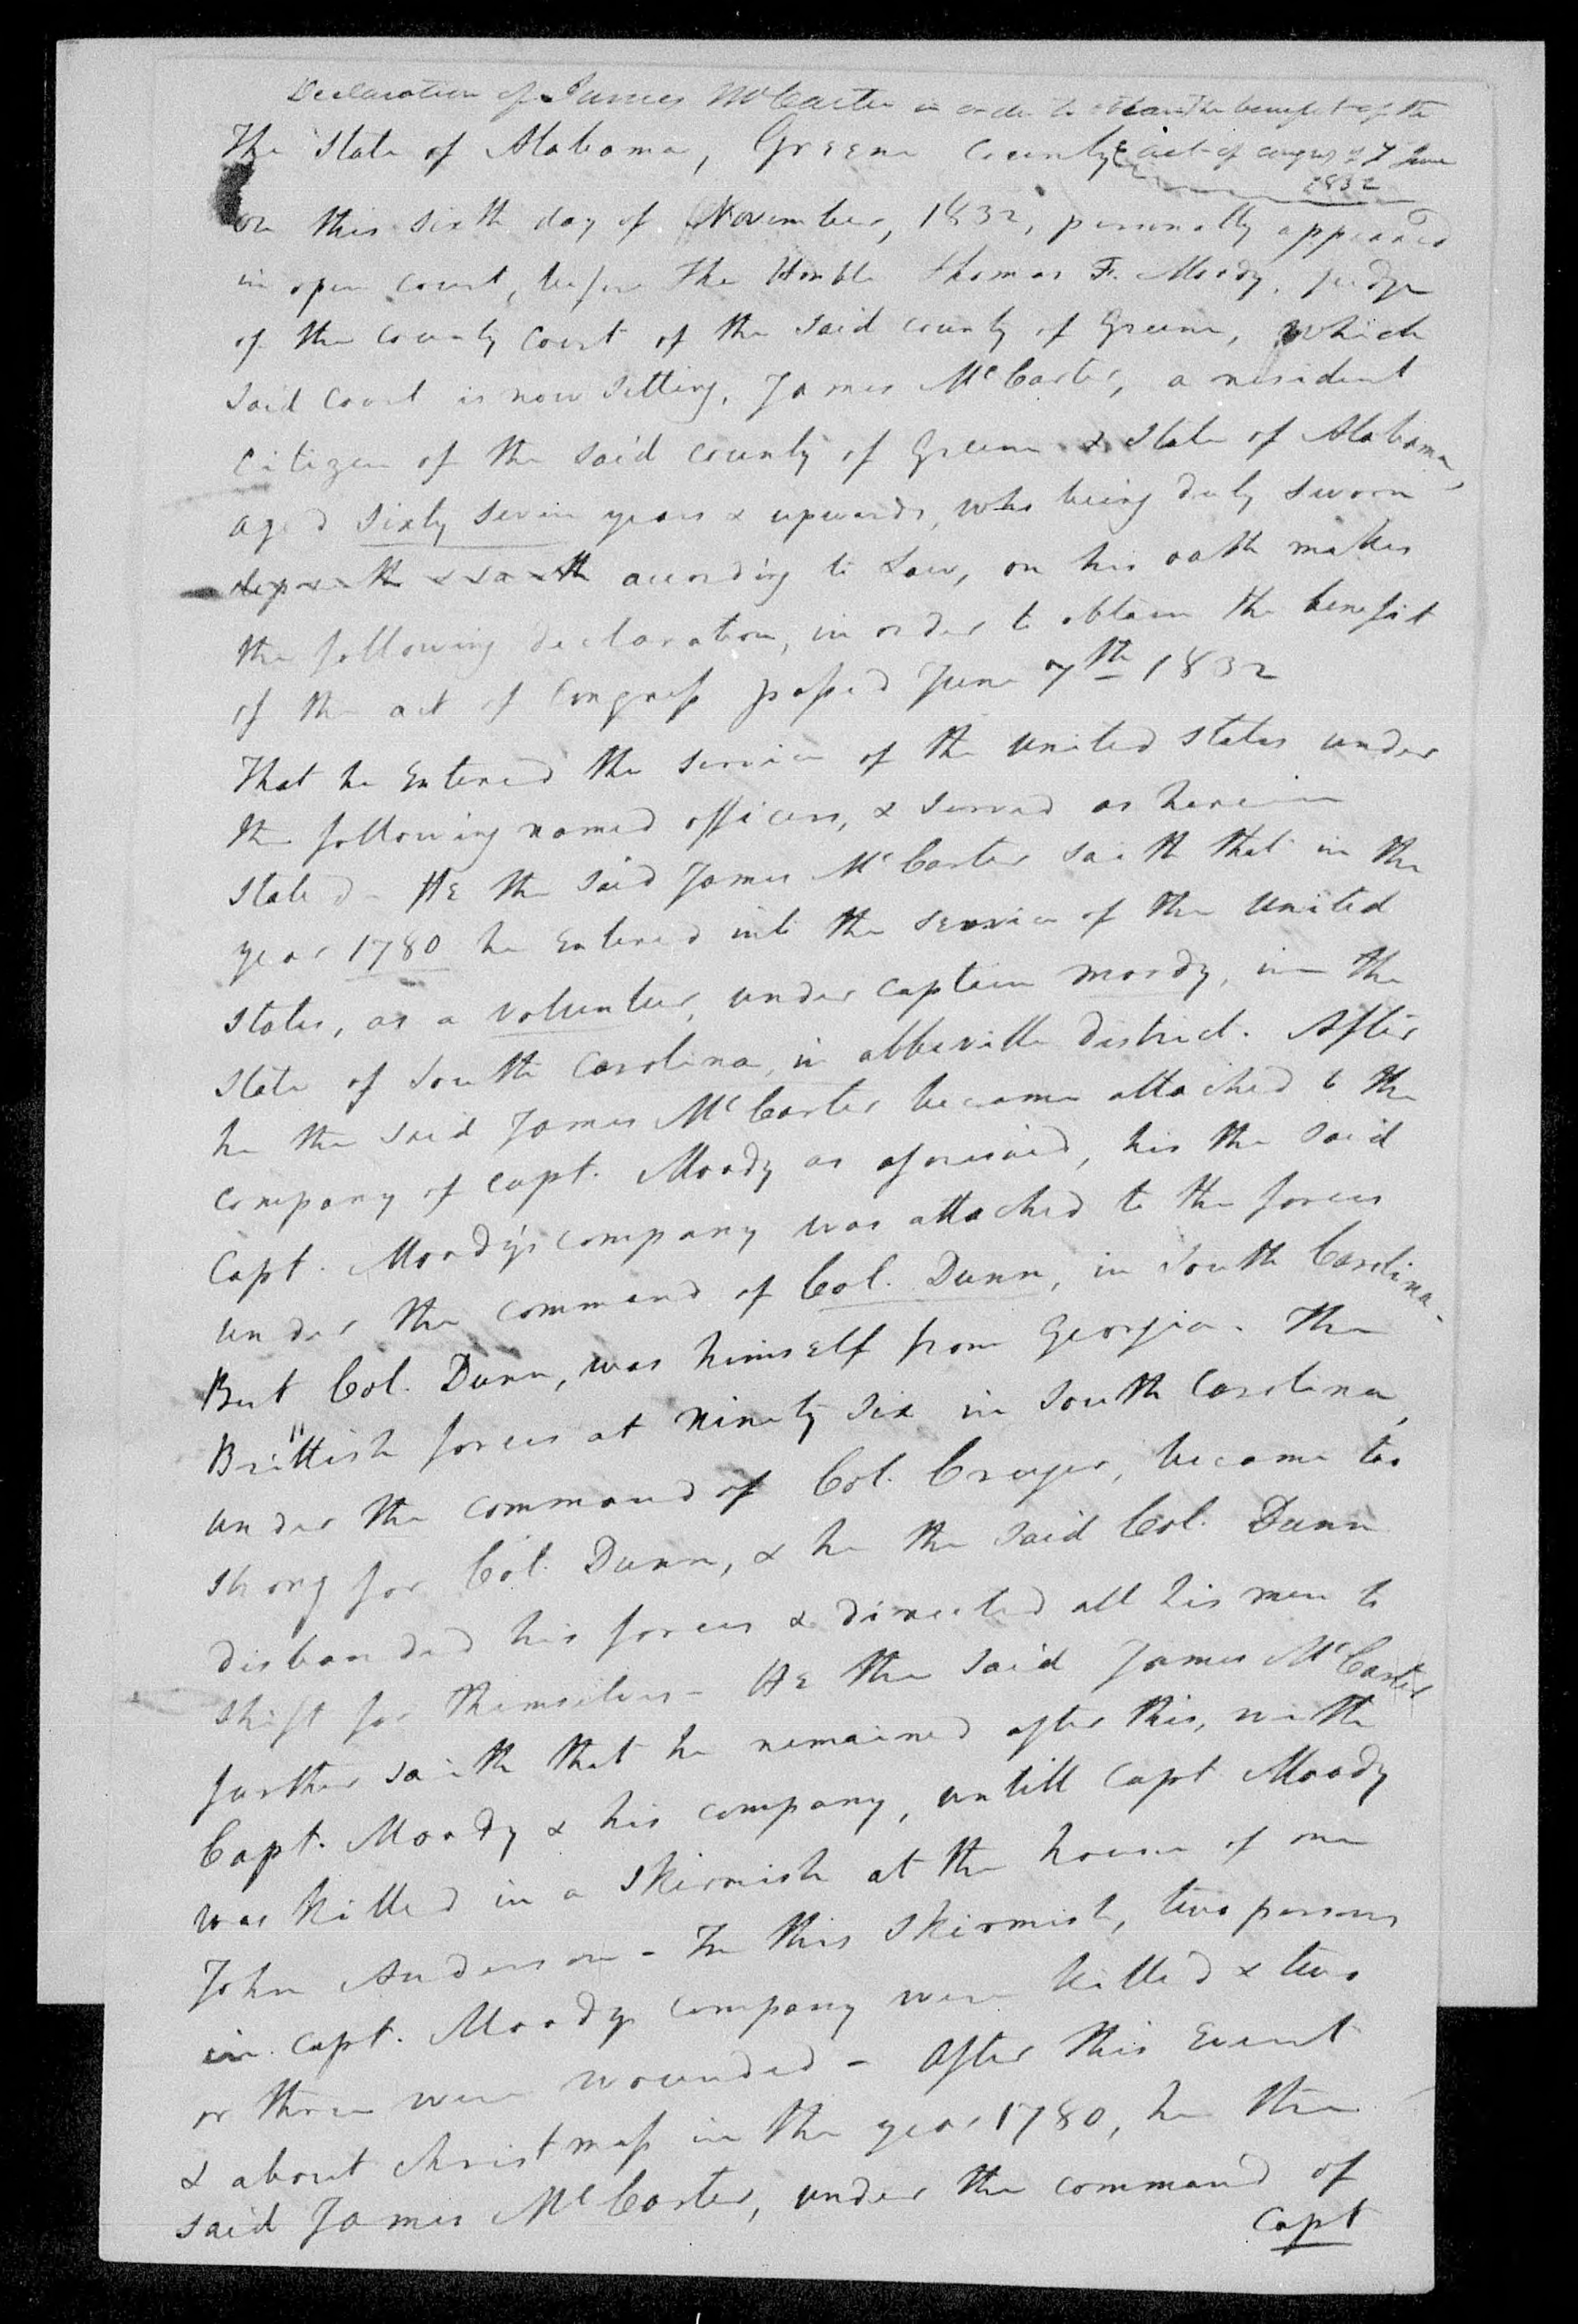Declaration of James McCarter in order to obtain the benefit of the act of Congress of 7 June 1832
The State of Alabama, Greene County act of 
on this sixth day of November, 1832, personally appeared in open Court, before the Honble Thomas F. Moody, judge of the County Court of the said County of Greene, which
said Court is now sitting, James McCarter, a resident citizen of the said County of Greene & State of Alabama aged sixty seven years & upwards, who being duly sworn [2 words crossed out] according to Law, on his oath makes the following declaration, in order to obtain the benefit of the act of Congress passed Jun 7th 1832. That he entered the service of the United States under the
following named officers & served as here
stated he the said James McCarter saith that in the year 1780 he entered into the service of the United States, as a volunteer under Captain Moody, in the State of South Carolina in Abbeville District. After he the said James McCarter become attached the company of Capt. Moody as aforesaid, his the said
Capt Moody's company was attached to the forces and the command of Col. Dunn, in South Carolina.  But Col. Dunn, was himself from Georgia. The British forces at Ninety six in South Carolina under the command of Col. Crayer, became too strong for Col. Dunn, + he
the said Col. Dunn disbanded his forces + directed all his men to shift for themselves. We the said James McCarter further saith that he remained after this, with Capt Moody + his company untill capt Moody was killed in a skirmish at the hour of John Anderson. In this skirmish, two persons in Capt. Moody company were killed + three were wounded-
 After this Event = about Christmas in the year 1780, he the said James McCarter, under the command of Capt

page: 5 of 45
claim: survivor's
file: S. 13,890, for James Mc Carter, South Carolina